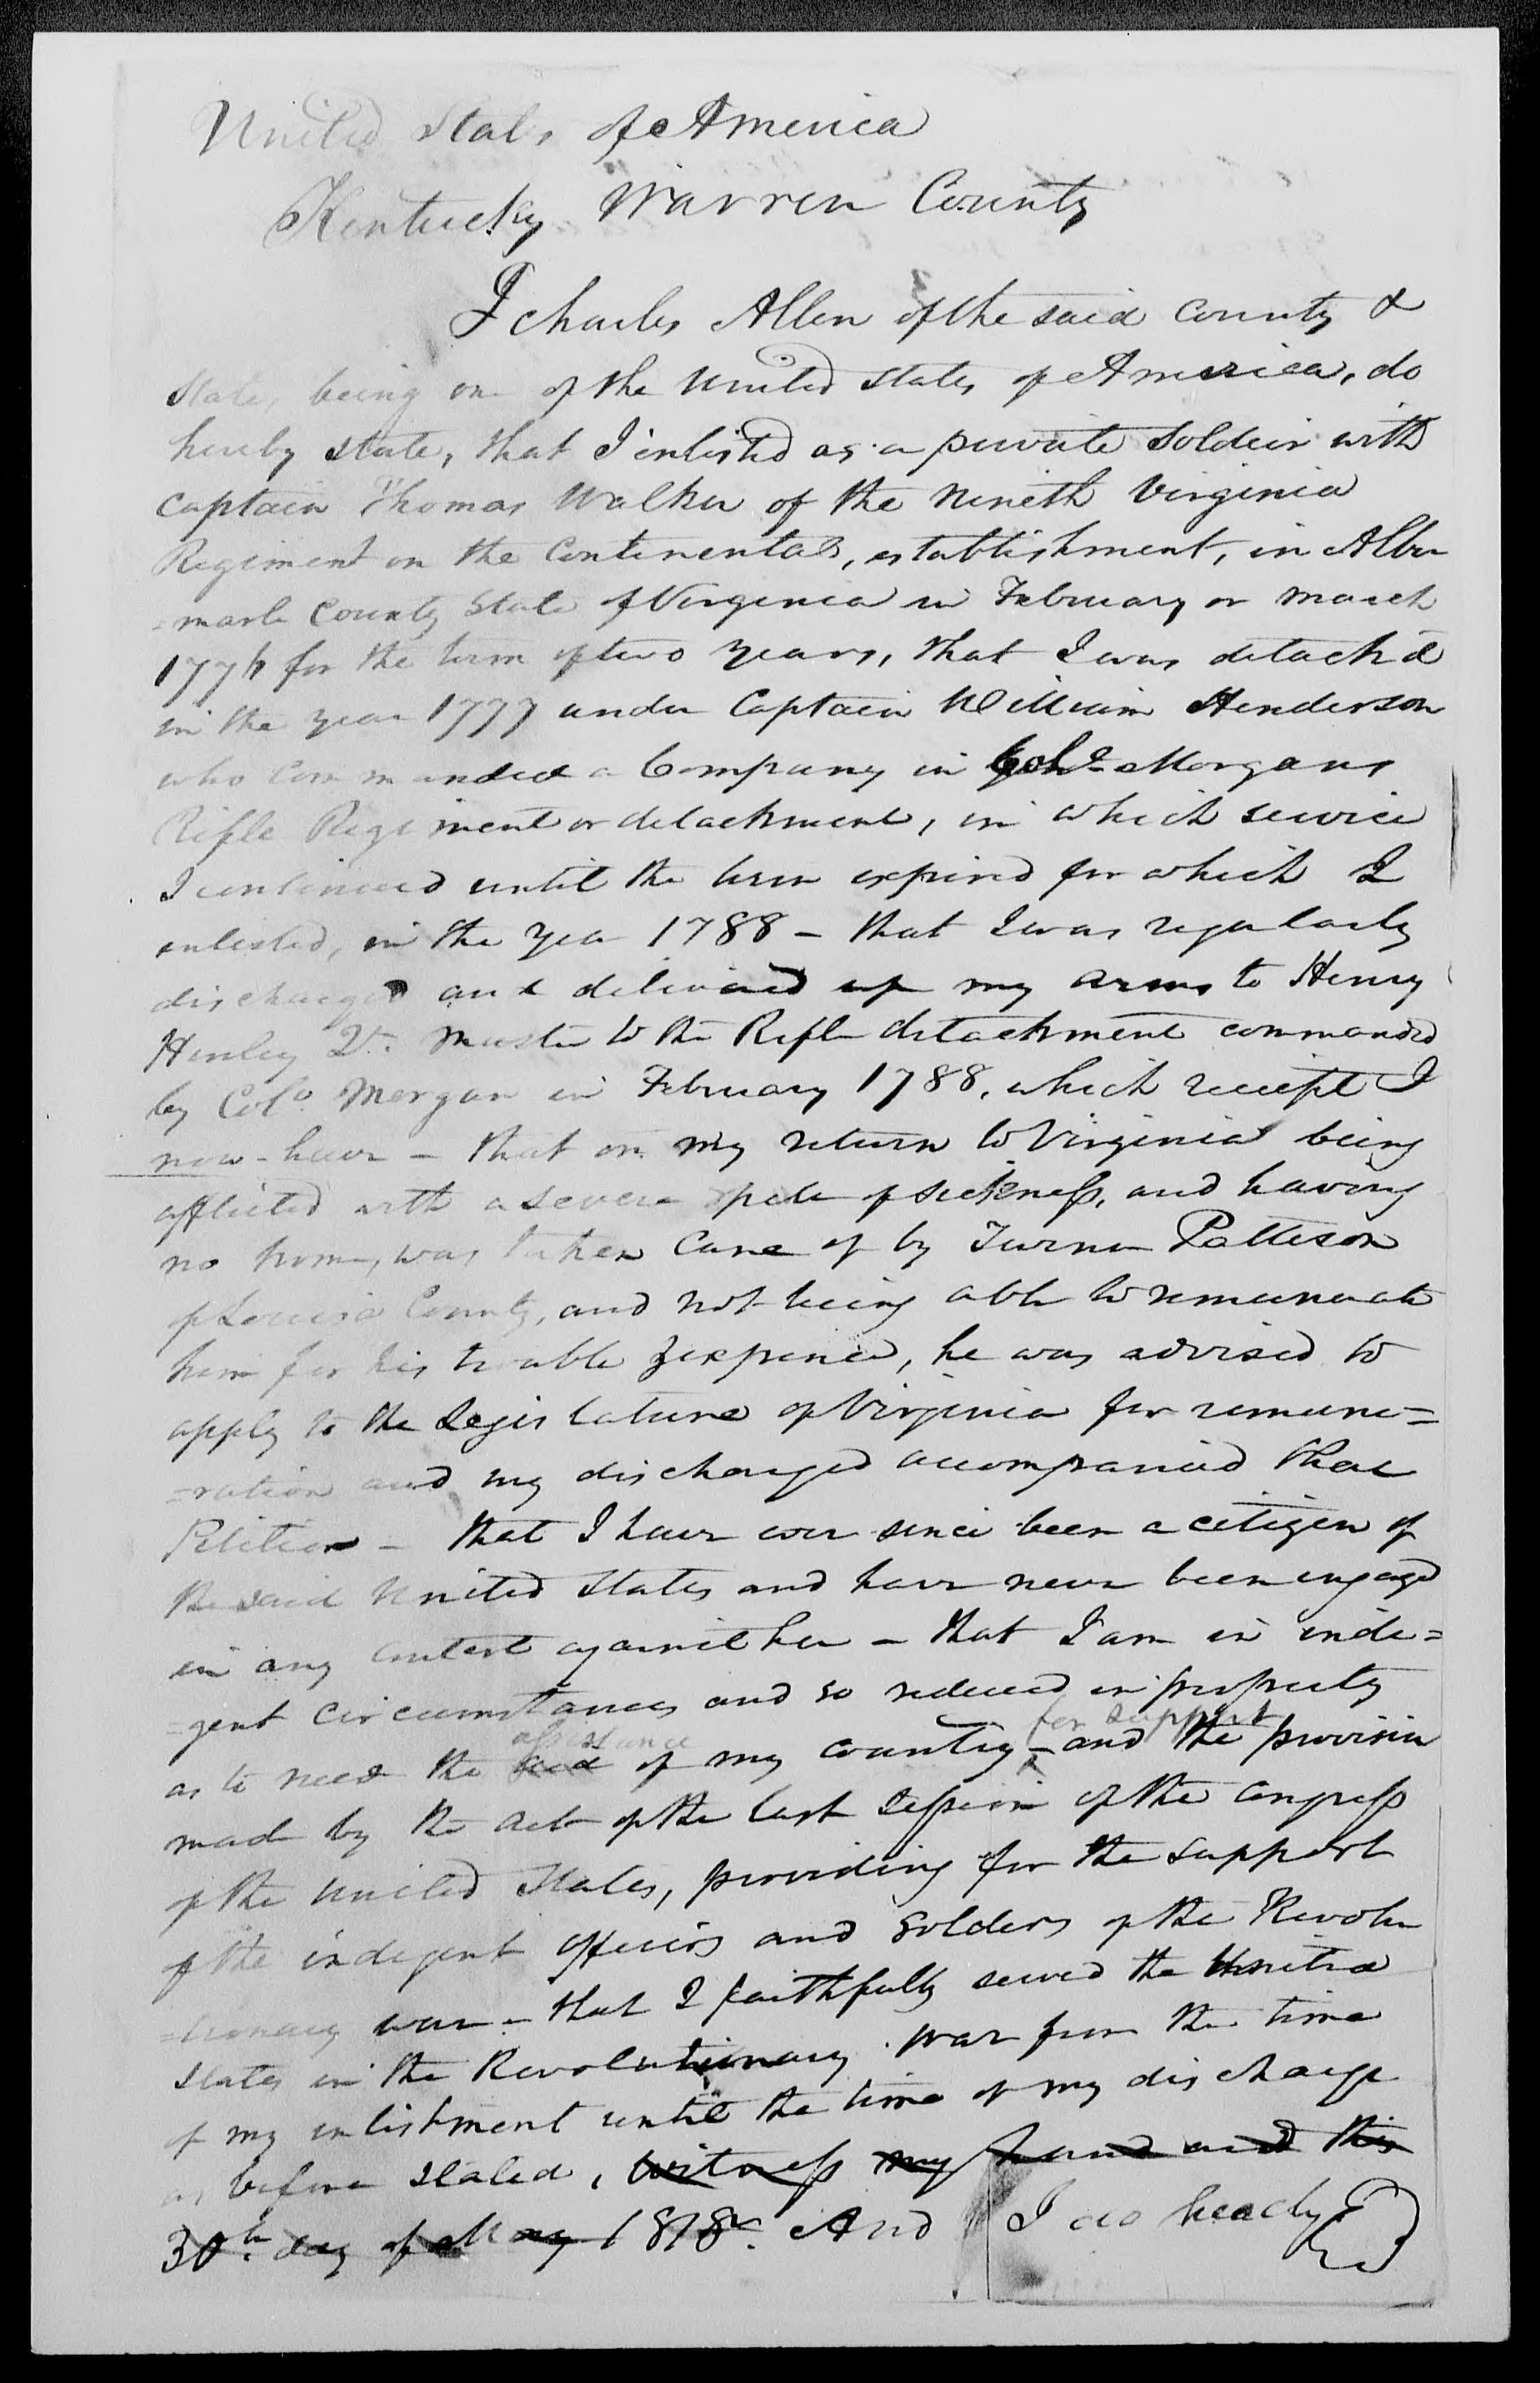United States of America
Kentucky, Warren County

I Charles Allen of the said county and State, being one of the Unite Stes of America, do hereby state, that I enlisted as a private soldier with Captain Thomas Walker of the Ninth Virginia Regiment on the Continental establishment in Albemarle County State of Virginia in February or Match 1777 for the term of two years, that I was detached in the year 1777 under Captain William Henderson who commanded a Company in Colonel Morgans Rifle Regiment detachment, in which service I  continued until the term expired for which I enlisted, in the year 1788. That I was regularly discharged and delivered all my arms to Henry Henley V. Musted to the Rifle detachment commanded by Colonel MOrgain in February 1788, which receipt I no haved. That on my return to W Virginia being afflicted with a severed sickness, and having no home, was taken care of by Turner Patterson of County, and not being able to remain at home for his for his , he was adviced to apply to the Legislature of Virginia for separation and my discharge accompanied this Petition That I havebeen a citizen of United States and have never been engaged in any content against her. That I am in in agent circumstances and so reduced in property as to need the assistance of my county for support and the provision made by no act of the Captain Stephen of the Congress of the United States, providing for the suppport of the independent offices and soldiers of the Revolutionary War that I fairhfully served the United States in the Revolutionary War from the time of my enlistement until the time of my discharge is before sealed.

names: Charles Allen, Morgan, Henry Henley, Thomas Walker, William Henderson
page: 4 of 22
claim: survivor's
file: S. 36399, Charles Allen, Va.